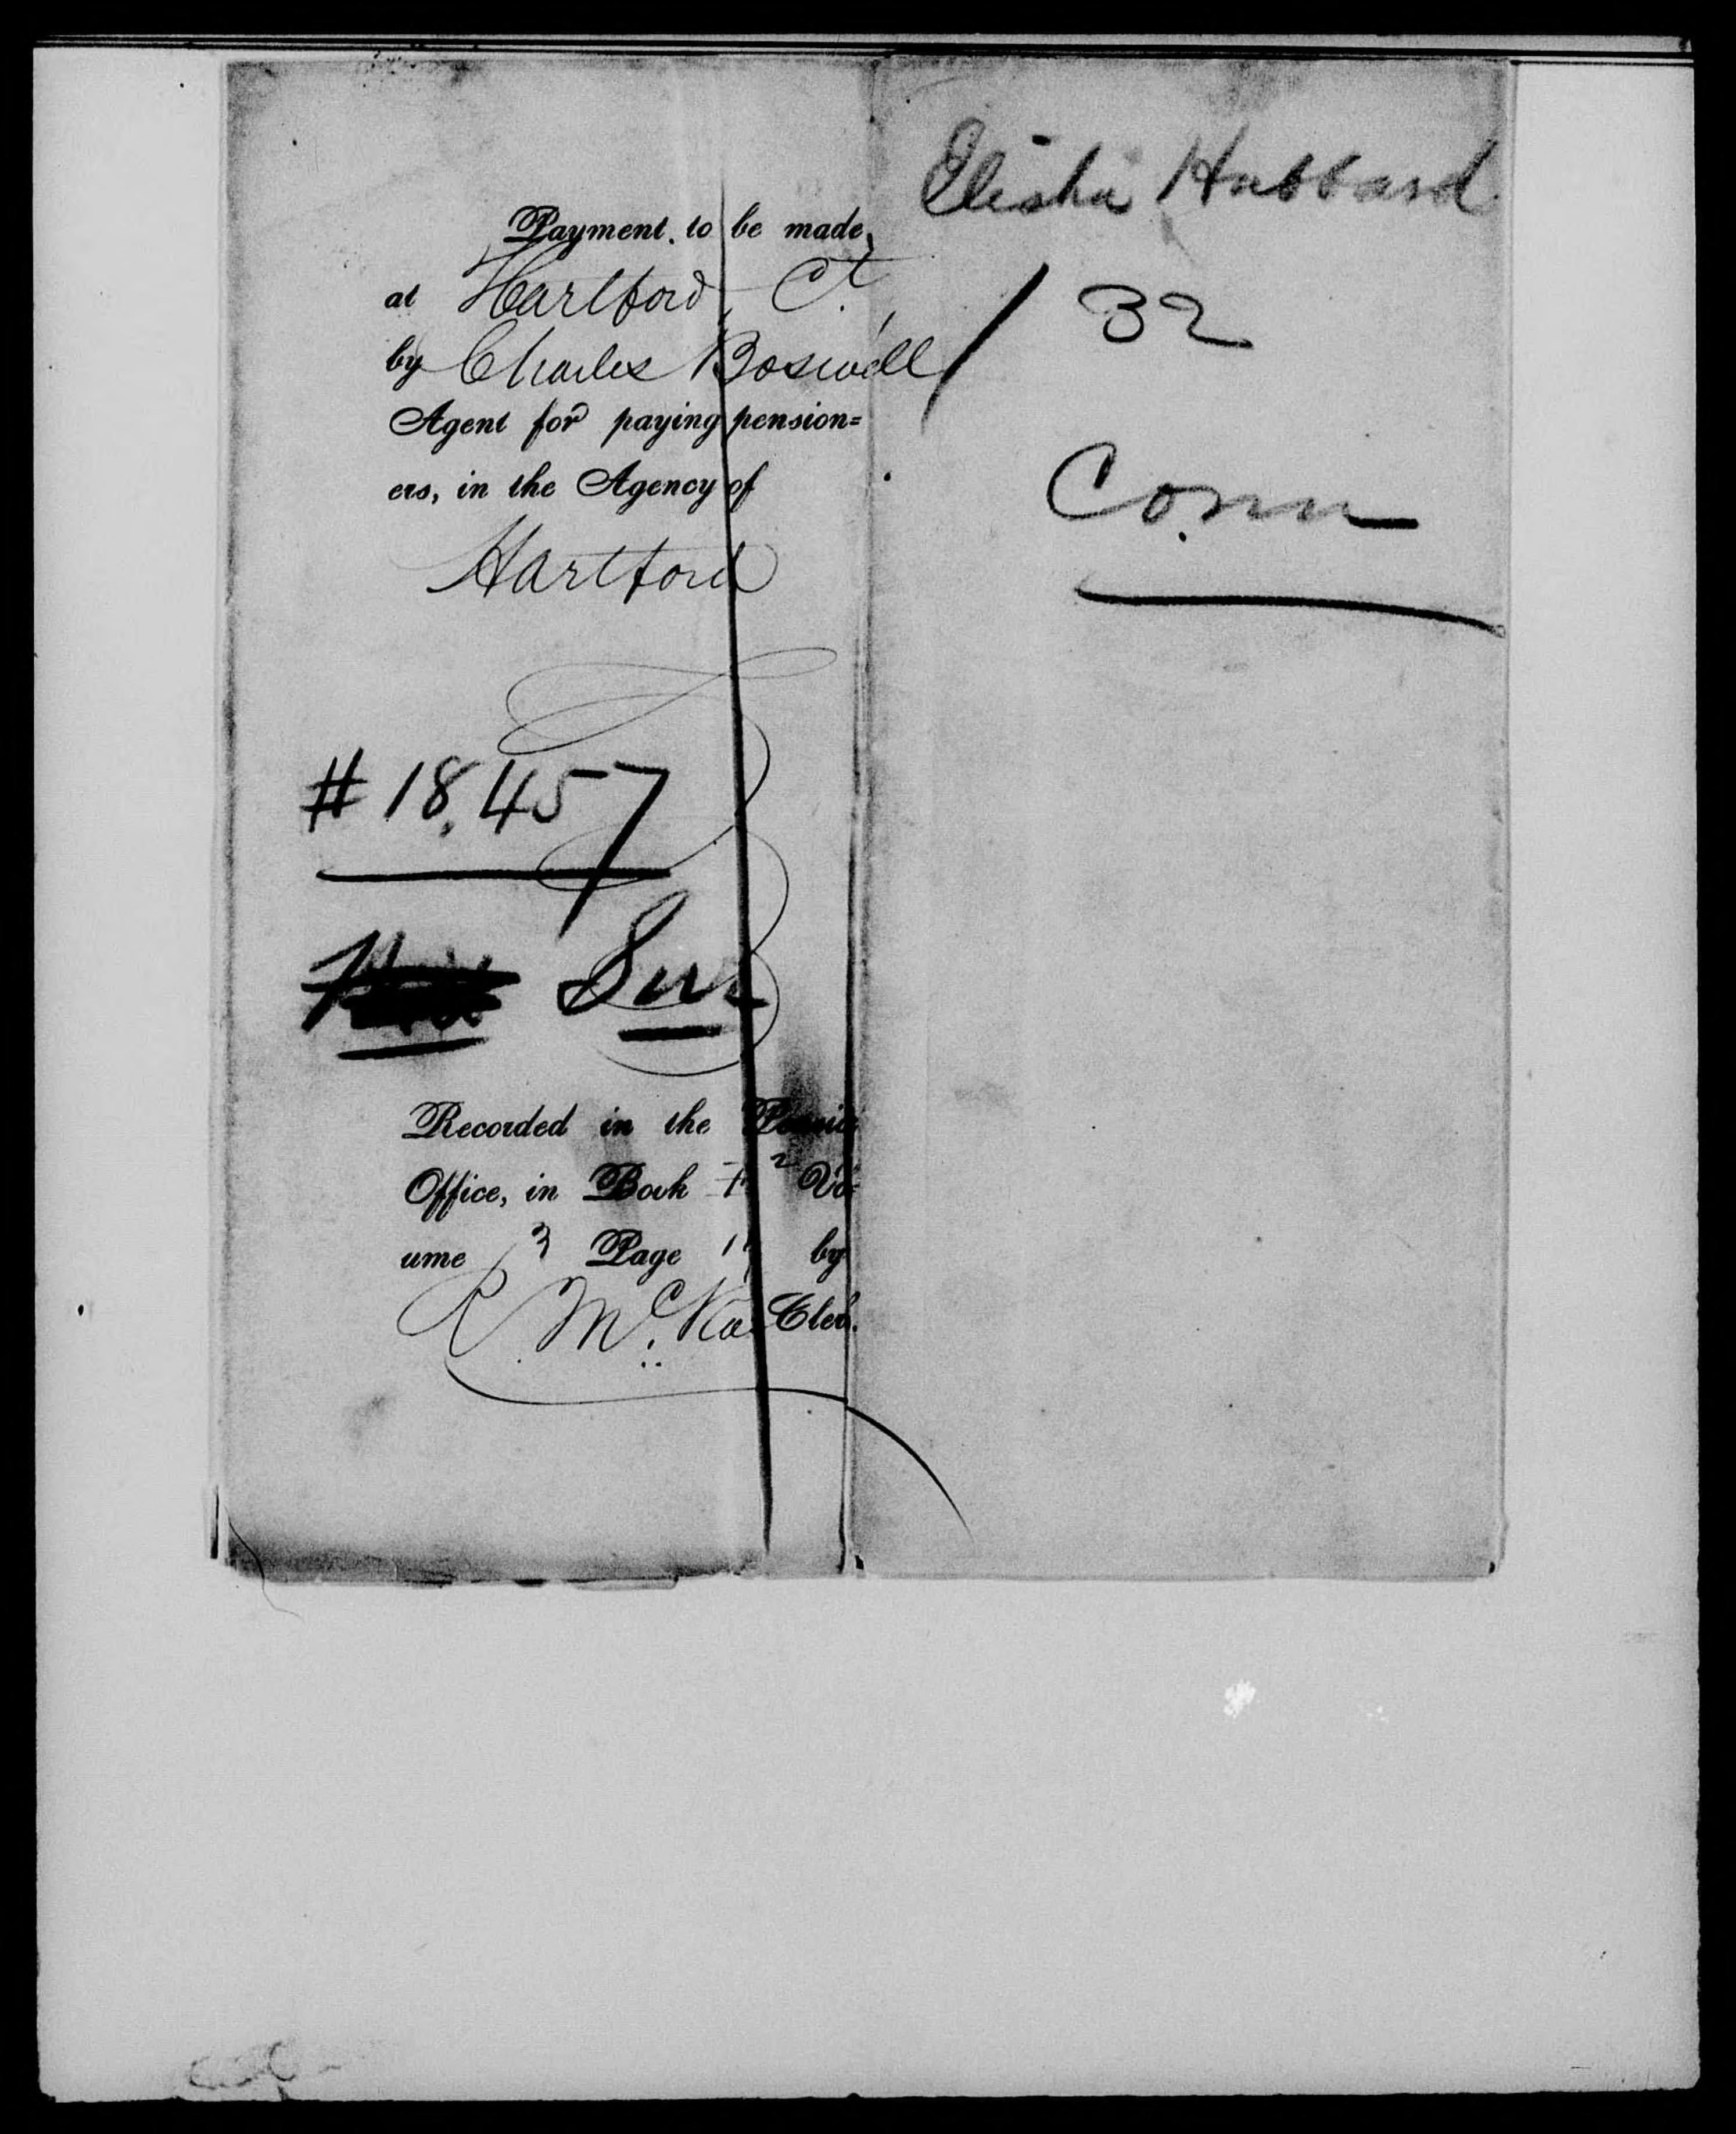Payment, to be made at Hartford, Ct by Charles Boswell Agent for paying pensionors in the Agency of Hartford

#18.45      F

(?)

Recorded in the Pension Office, in Book F  Volume 3  Page (19?) by

R.McRae  Clerk



Elisha Hubbard

32

Conn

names: Charles Boswell, Elisha Hubbard, R Mc Rae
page: 59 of 63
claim: survivor's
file: S. 18457, Elisha Hubbard, Conn. Continental